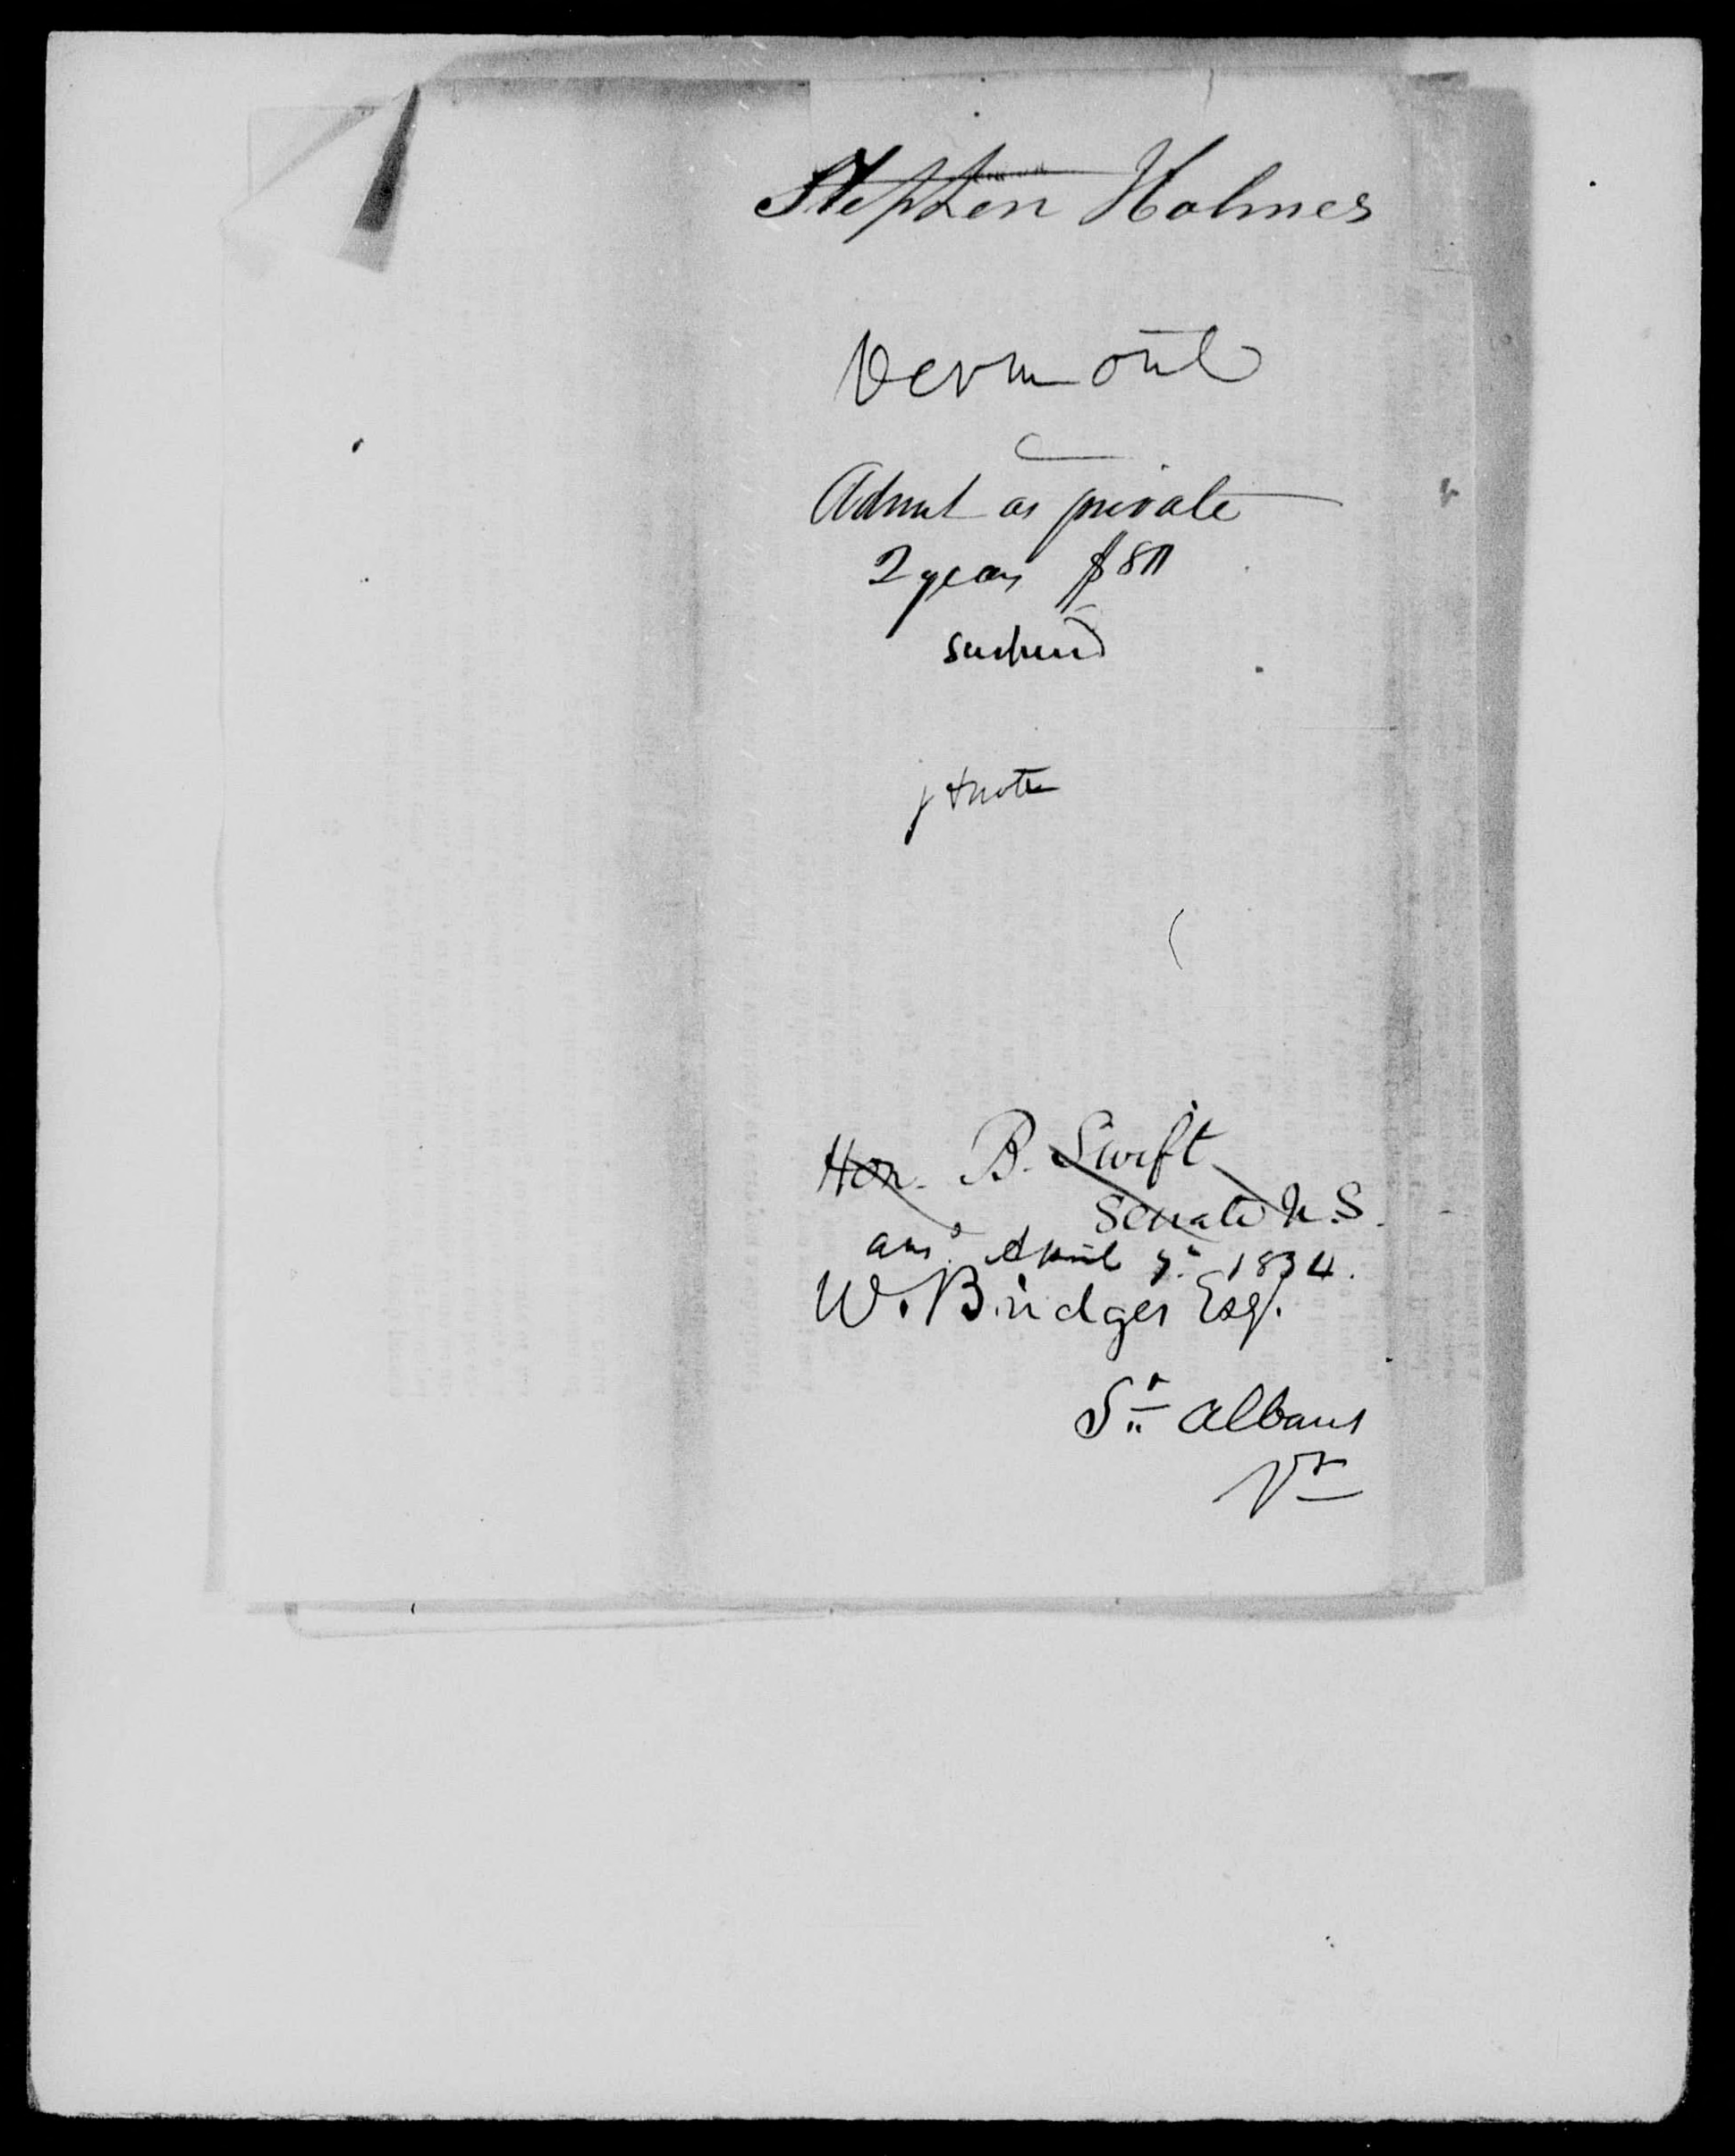Stephen Holmes

Vermont

Admit as private

2 years $80 [illegible]

[illegible]

Hon. B. Swift
Senate [illegible]
[illegible] April 9th 1834
W. M. Bridges Esq.

St. Albans
Vt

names: Stephen Holmes, B Swift, W Bridges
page: 71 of 72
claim: widow's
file: W. 7771, Stephen Holmes, Vt.